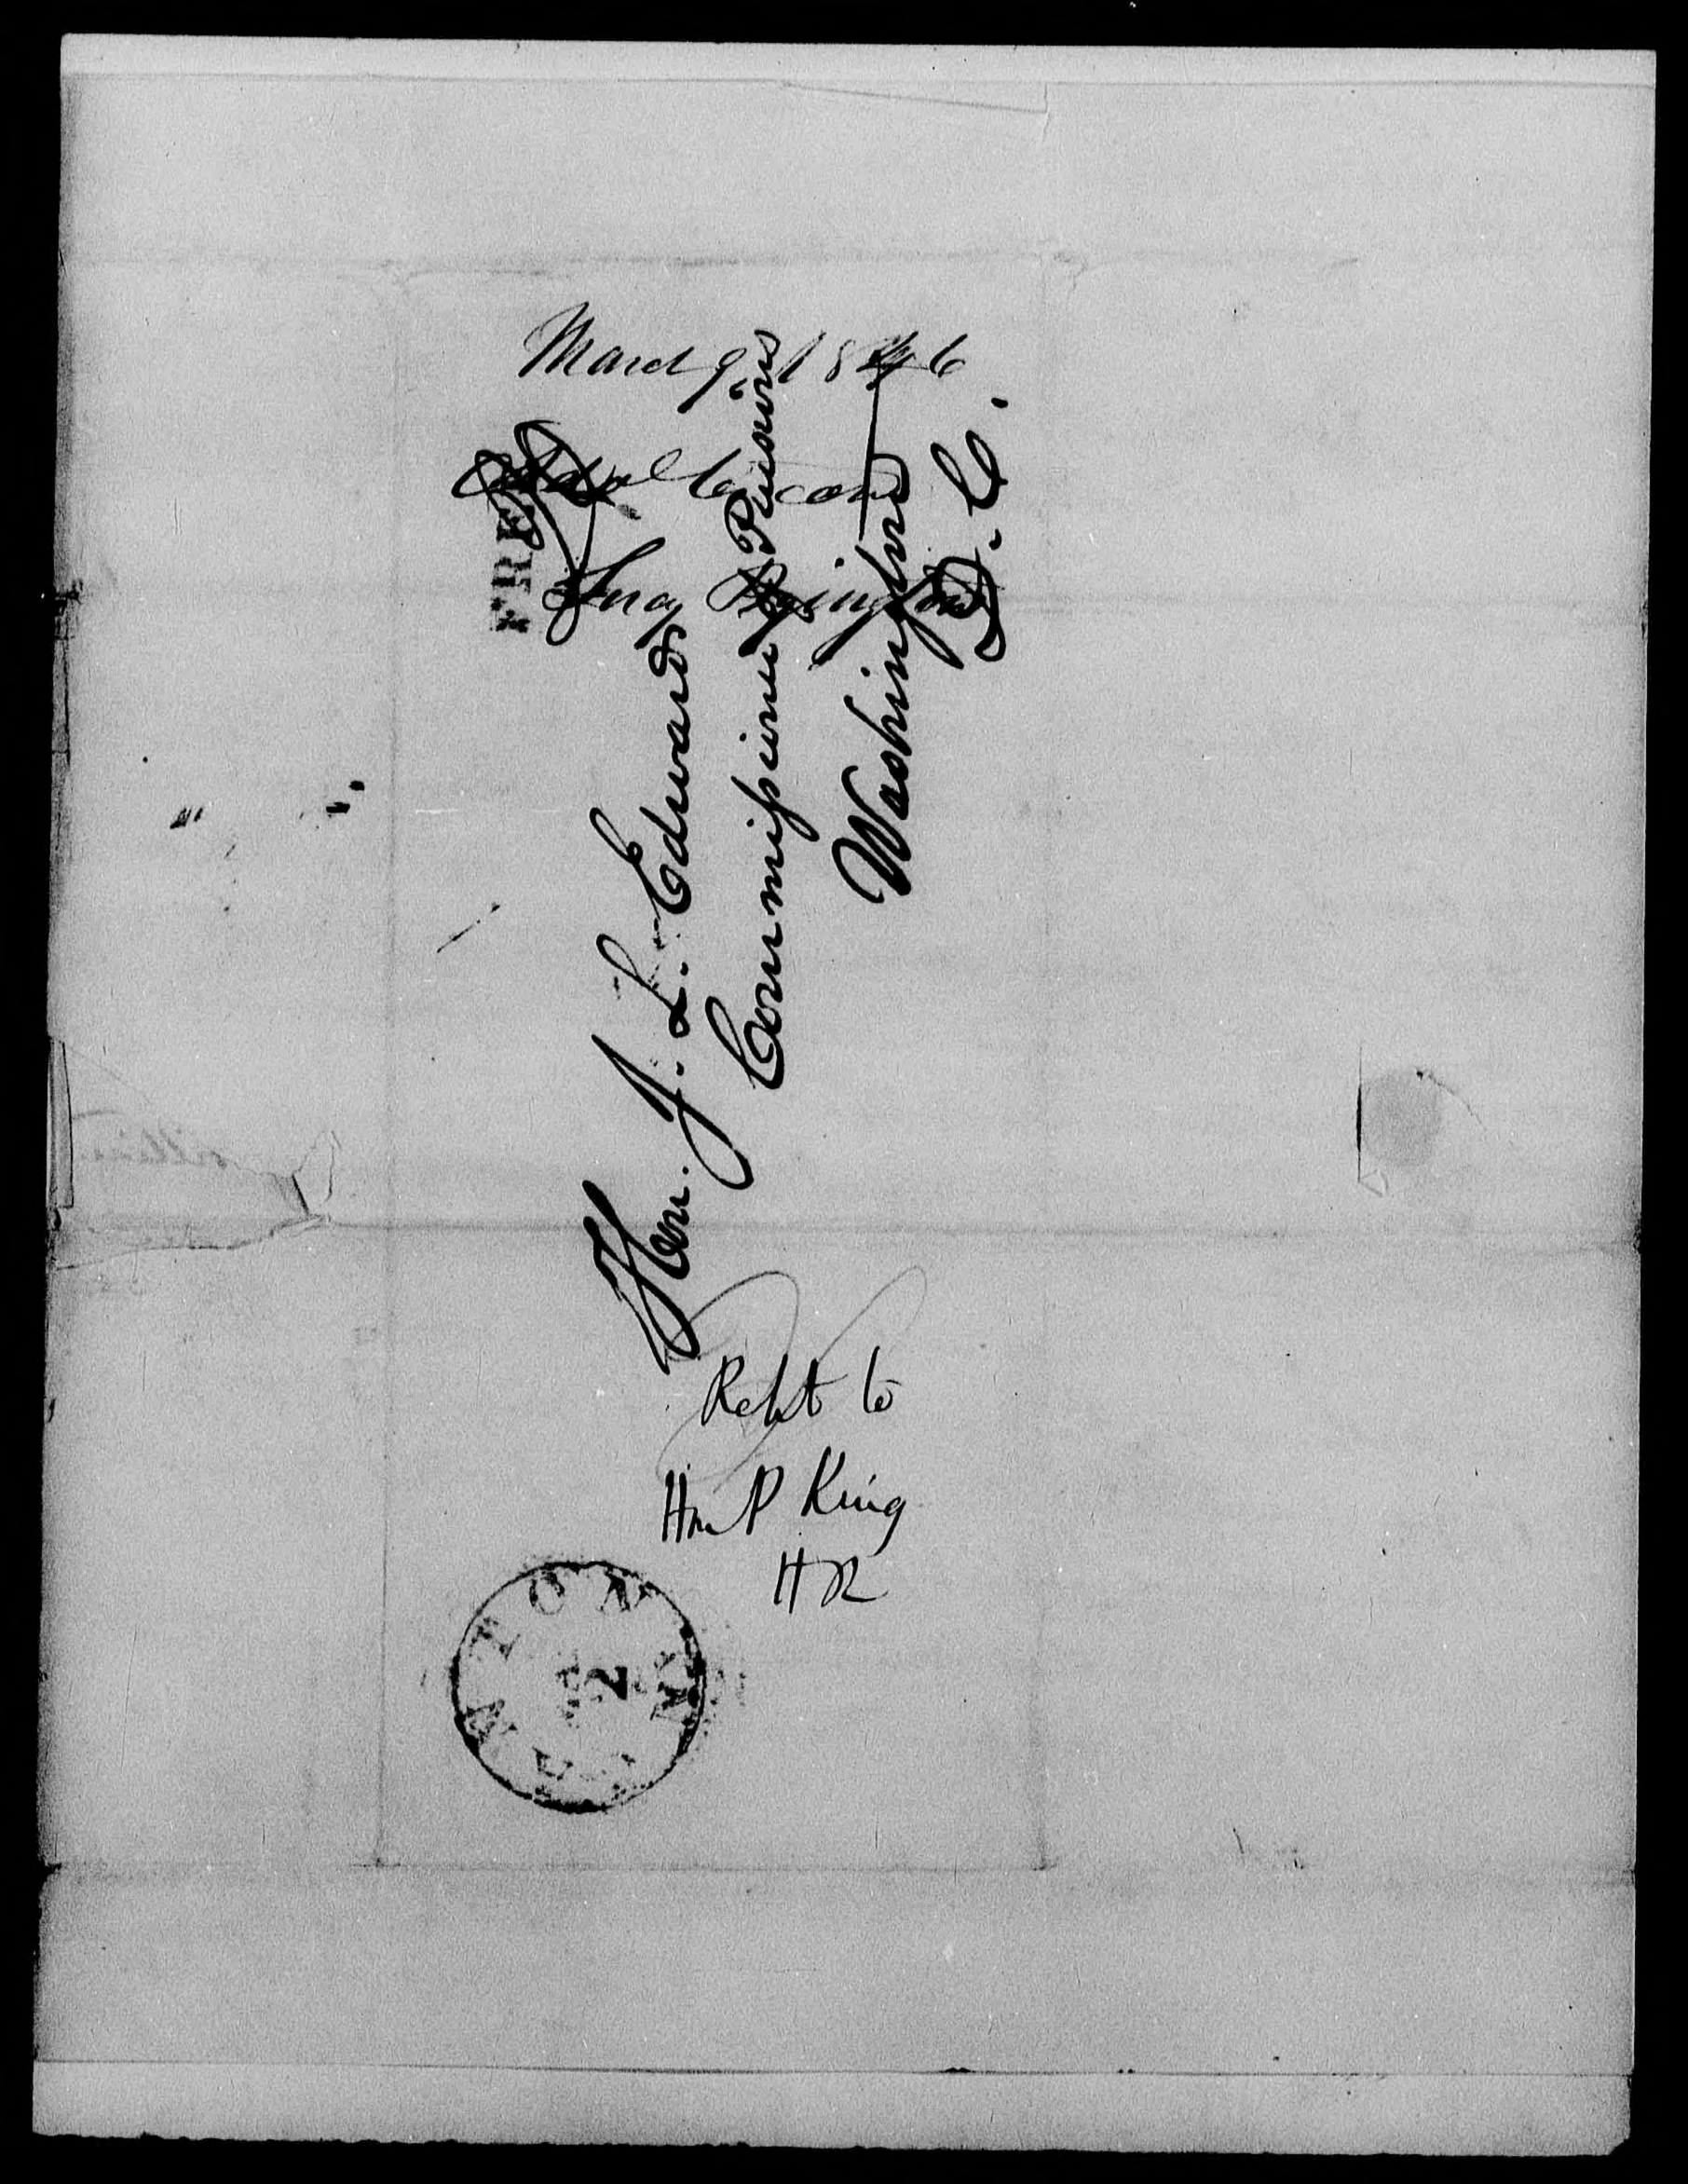Hon. J. L. Edwards
Commissioner of Pensions
Washington D.C.

Relate to HP King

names: Lucy Byington, J L Edwards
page: 41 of 79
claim: widow's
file: W. 23754, Justus Byington, Conn.